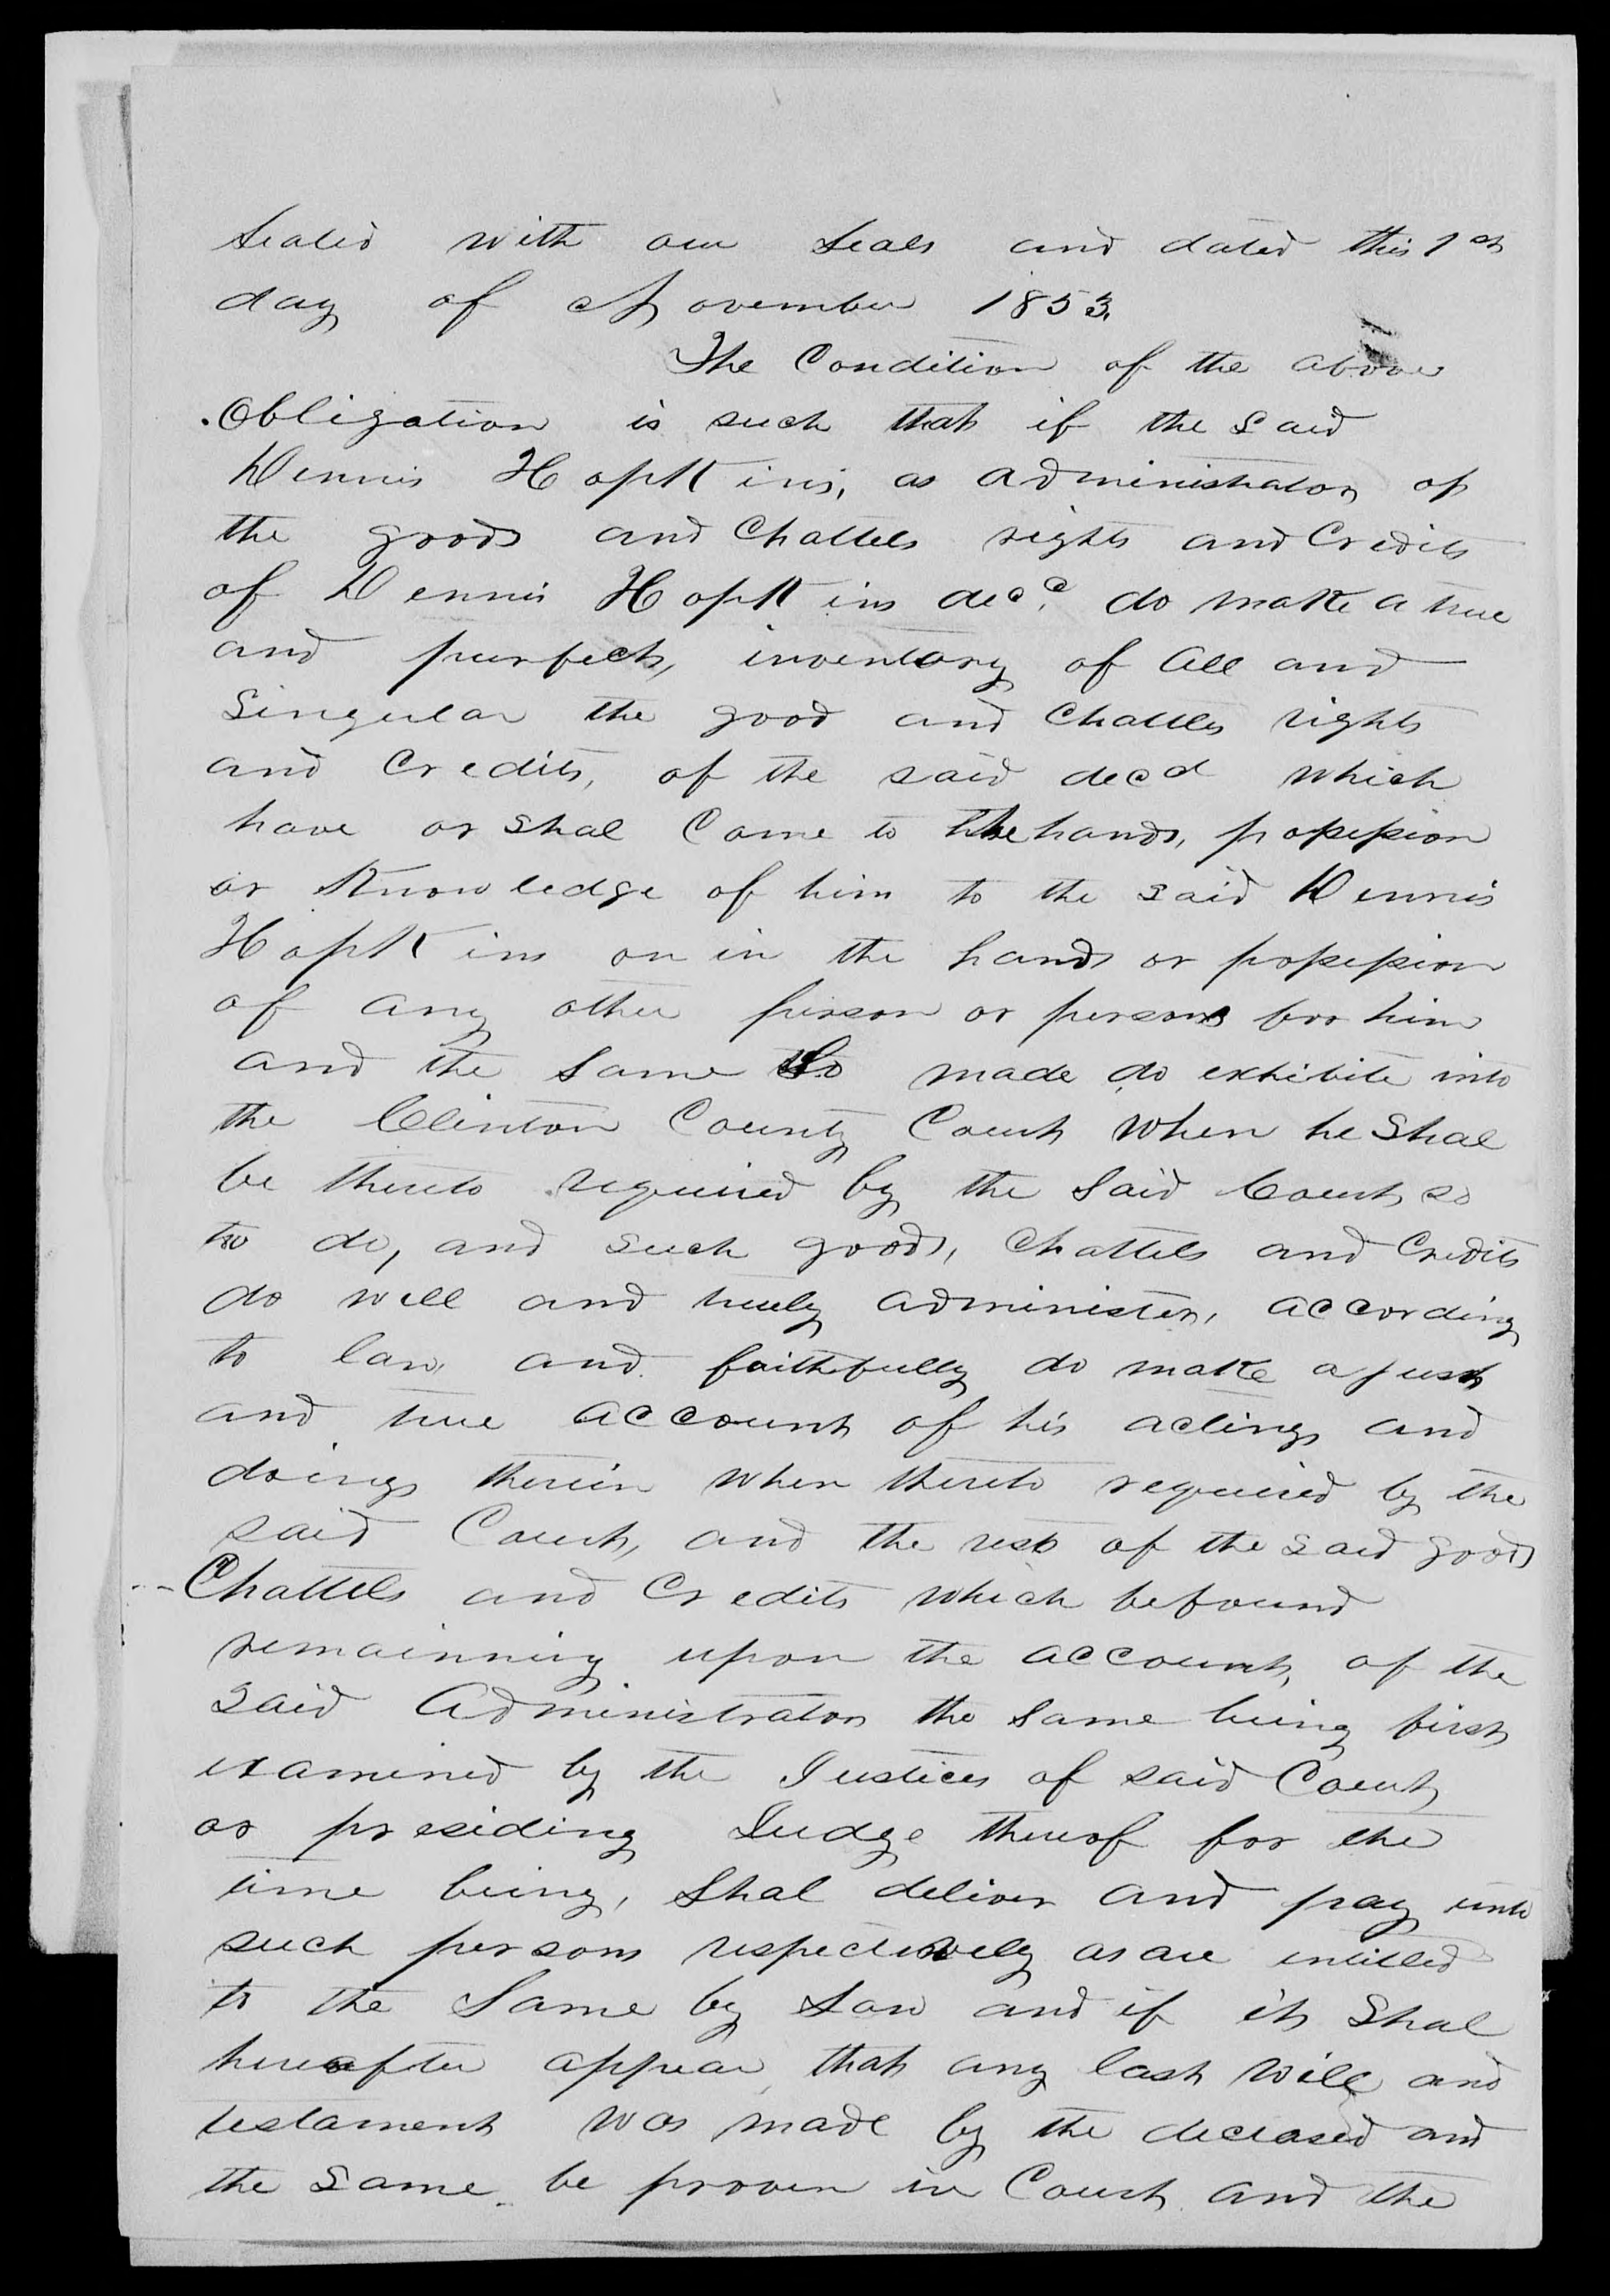Sealed with our seals and dated this 1st of November 1853.

The Condition of the above obligation is such that if the said Dennis Hopkins, as administrator of the goods and chattels rights and Credits of Dennis Hopkins decd do make a true and perfect inventory of all and Singular the goods and chattles rights and Credits of the said decd which have or shall come to the hands, possession or knowledge of him to the said Dennis Hopkins on in the hands or possession of any other person or persons for him and the same so made do exhibit into the Clinton County Court when he shall be thereto required by the said Court so to do, and such goods, chattels and Credits do will and truly administer according to law, and faithfully do make a just and true account of his actings and doings therein when thereto required by the said Court, and the rest of the said Goods Chattels and credits which be found remaining upon the account of the said Administrators the same being first examined by the Justices of said Court as presiding Judge thereof for the time being, shall deliver and pay unto such persons respectively as are entitled to the same by law and if it shall hereafter appear that any last will and testament was made by the deceased and the same be proven in Court and the
day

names: Dennis Hopkins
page: 26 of 144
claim: rejected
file: R. 5208, Dennis Hopkins, N.C.